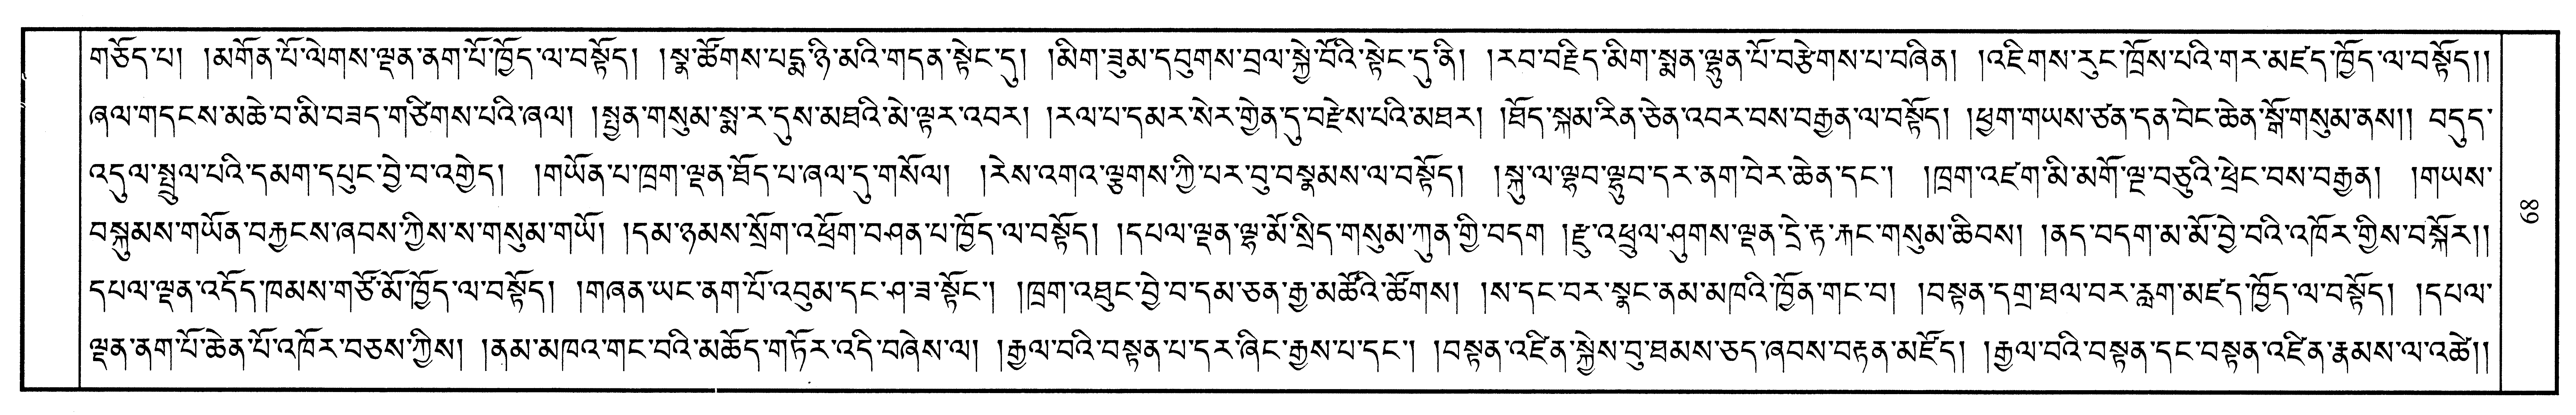གཅོད་པ། །མགོན་པོ་ལེགས་ལྡན་ནག་པོ་ཁྱོད་ལ་བསྟོད། །སྣ་ཚོགས་པདམ་ཉི་མའི་གདན་སྟེང་དུ། །མིག་ཟུམ་དབུགས་བྲལ་སྐྱེ་བོའི་སྟེང་དུ་ནི། །རབ་བརྗིད་མིག་སྨན་ལྷུན་པོ་བརྩེགས་པ་བཞིན། །འཇིགས་རུང་ཁྲོས་པའི་གར་མཛད་ཁྱོད་ལ་བསྟོད།
ཞལ་གདངས་མཆེ་བ་མི་བཟད་གཙིགས་པའི་ཞལ། །སྤྱན་གསུམ་སྨ་ར་དུས་མཐའི་མེ་ལྟར་འབར། །རལ་པ་དམར་སེར་གྱེན་དུ་བརྫེས་པའི་མཐར། །ཐོད་སྐམ་རིན་ཅེན་འབར་བས་བརྒྱན་ལ་བསྟོད། །ཕྱག་གཡས་ཙན་དན་བེང་ཆེན་སྒོ་གསུམ་ནས། །བདུད་
འདུལ་སྤྲུལ་པའི་དམག་དཔུང་བྱེ་བ་འགྱེད། །གཡོན་པ་ཁྲག་ལྡན་ཐོད་པ་ཞལ་དུ་གསོལ། །རེས་འགའ་ལྕགས་ཀྱི་པར་བུ་བསྣམས་ལ་བསྟོད། །སྐུ་ལ་ལྷབ་ལྷུབ་དར་ནག་བེར་ཆེན་དང་། །ཁྲག་འཛག་མི་མགོ་ལྔ་བཅུའི་ཕྲེང་བས་བརྒྱན། །གཡས་
བསྐུམས་གཡོན་བརྐྱངས་ཞབས་ཀྱིས་ས་གསུམ་གཡོ། །དམ་ཉམས་སྲོག་འཕྲོག་བཤན་པ་ཁྱོད་ལ་བསྟོད། །དཔལ་ལྡན་ལྷ་མོ་སྲིད་གསུམ་ཀུན་གྱི་བདག །རྫུ་འཕྲུལ་ཤུགས་ལྡན་དྲེ་རྟ་རྐང་གསུམ་ཆིབས། །ནད་བདག་མ་མོ་བྱེ་བའི་འཁོར་གྱིས་བསྐོར།།
དཔལ་ལྡན་འདོད་ཁམས་གཙོ་མོ་ཁྱོད་ལ་བསྟོད། །གཞན་ཡང་ནག་པོ་འབུམ་དང་ཤ་ཟ་སྟོང་། །ཁྲག་འཐུང་བྱེ་བ་དམ་ཅན་རྒྱ་མཚོའི་ཚོགས། །ས་དང་བར་སྣང་ནམ་མཁའི་ཁྱོན་གང་བ། །བསྟན་དགྲ་ཐལ་བར་རླག་མཛད་ཁྱོད་ལ་བསྟོད། །དཔལ་
ལྡན་ནག་པོ་ཆེན་པོ་འཁོར་བཅས་ཀྱིས། །ནམ་མཁའ་གང་བའི་མཆོད་གཏོར་འདི་བཞེས་ལ། །རྒྱལ་བའི་བསྟན་པ་དར་ཞིང་རྒྱས་པ་དང་། །བསྟན་འཛིན་སྐྱེས་བུ་ཐམས་ཅད་ཞབས་བརྟན་འཛིན། །རྒྱལ་བའི་བསྟན་དང་བསྟན་འཛིན་རྣམས་ལ་འཚེ།།